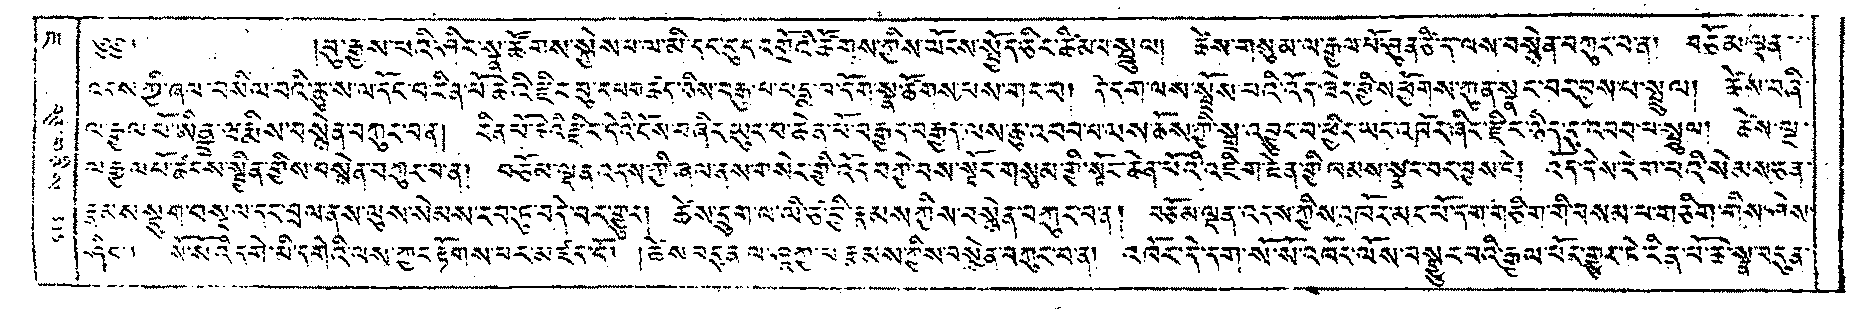༄༅། །བུ་རྒྱས་པའི་ཤིང་སྣ་ཚོགས་སྐྱེས་པ་ལ་མི་དང་དུད་འགྲོའི་ཚོགས་ཀྱིས་ལོངས་སྤྱོད་ཅིང་ཚིམ་པ་སྤྲུལ། ཚེས་གསུམ་ལ་རྒྱལ་པོ་ཤུན་ཙི་ད་ལས་བསྙེན་བཀུར་བ་ན། བཅོམ་ལྡན་
འདས་ཀྱི་ཞལ་བསིལ་བའི་ཆུ་ས་ལ་དོར་བ་རིན་པོ་ཆེའི་རྫིང་བུ་དཔག་ཚད་ཉིས་བརྒྱ་པ་པདམ་ཁ་དོག་སྣ་ཚོགས་པས་གང་བ། དེ་དག་ལས་སྤྲོས་པའི་འོད་ཟེར་གྱིས་ཕྱོགས་ཀུན་སྣང་བར་བྱས་པ་སྤྲུལ། ཚེས་བཞི་
ལ་རྒྱལ་པོ་ཨིནྡྲ་ཝ་རྨིས་བསྙེན་བཀུར་བ་ན། རིན་པོ་ཆེའི་རྫིང་དེའི་ངོས་བཞིར་ཡུར་བ་ཆེན་པོ་བརྒྱད་བརྒྱད་ལས་ཆུ་འབབ་པ་ལས་ཆོས་ཀྱི་སྒྲ་འབྱུང་བ་ཕྱིར་ཡང་འཁོར་ཞིང་རྫིང་ཉིད་དུ་འབབ་པ་སྤྲུལ། ཚེས་ལྔ་
ལ་རྒྱལ་པོ་ཚངས་སྦྱིན་གྱིས་བསྙེན་བཀུར་བ་ན། བཅོམ་ལྡན་འདས་ཀྱི་ཞལ་ནས་གསེར་གྱི་འོད་བཀྱེ་བས་སྟོང་གསུམ་གྱི་སྟོང་ཆེན་པོའི་འཇིག་རྟེན་གྱི་ཁམས་སྣང་བར་བྱས་ཏེ། འོད་དེས་རེག་པའི་སེམས་ཅན་
རྣམས་སྡུག་བསྔལ་དང་བྲལ་ནས་ལུས་སེམས་རབ་ཏུ་བདེ་བར་གྱུར། ཚེས་དྲུག་ལ་ལི་ཙ་བྱི་རྣམས་ཀྱིས་བསྙེན་བཀུར་བ་ན། བཅོམ་ལྡན་འདས་ཀྱིས་འཁོར་མང་པོ་དག་གཅིག་གི་བསམ་པ་གཅིག་གིས་ཤེས་
ཤིང་། སོ་སོའི་དགེ་མི་དགེའི་ལས་ཀྱང་རྟོགས་པར་མཛད་དོ། །ཚེས་བདུན་ལ་ཤཱཀྱ་པ་རྣམས་ཀྱིས་བསྙེན་བཀུར་བ་ན། འཁོར་དེ་དག་སོ་སོ་འཁོར་ལོས་བསྒྱུར་བའི་རྒྱལ་པོར་གྱུར་ཏེ་རིན་པོ་ཆེ་སྣ་བདུན་